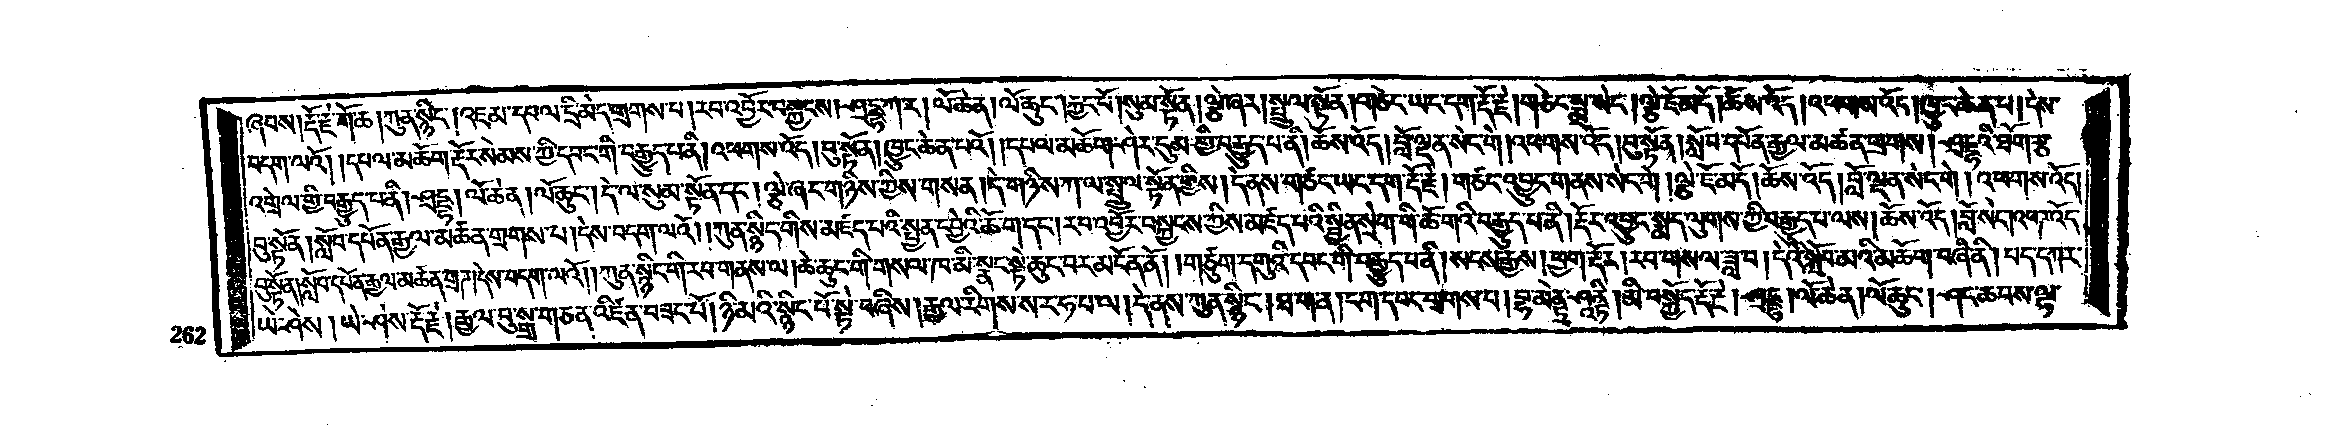ཞབས། རྡོ་རྗེ་གོ་ཆ། ཀུན་སྙིང་། འཇམ་དཔལ་དྲི་མེད་གྲགས་པ། རབ་འབྱོར་བསྐྱངས། ཤྲདྡྷ་ཀ་ར། ལོ་ཆེན་ལོ་ཆུང་། རྐྱང་པོ། སུམ་སྟོན། ལྕེ་ཞར། སྤྲུལ་སྟོན། གཅེང་ཡང་དག་རྡོ་རྗེ། གཅེང་སྨྲ་སེང་། ལྕེ་ཇོ་མདོ། ཆོས་འོད། འཕགས་འོད། ཁྱུང་ཆེན་པོ། ?་དེས་
བདག་ལའོ། །དཔལ་མཆོག་རྡོར་སེམས་ཀྱི་དབང་གི་བརྒྱུད་པ་ནི། འཕགས་འོད། བུ་སྟོན། ཁྱུང་ཆེན་པོའོ། །དཔལ་མཆོག་ཤེར་དུམ་གྱི་བརྒྱུད་པ་ནི། ཆོས་འོད། བློ་ལྡན་སེང་གེ །འཕགས་འོད། བུ་སྟོན། སློབ་དཔོན་རྒྱལ་མཚན་གྲགས། ཤྲདྡྷའི་ཐོག་རྩ་
འགྲེལ་གྱི་བརྒྱུད་པ་ནི། ཤྲདྡྷ། ལོ་ཆེན། ལོ་ཆུང་། དེ་ལ་སུམ་སྟོན་དང་། ལྕེ་ཞང་གཉིས་ཀྱིས་གསན། དེ་གཉིས་ཀ་ལ་སྤྲུལ་སྟོན་གྱིས། དེ་ནས་གཙང་ཡང་དག་རྡོ་རྗེ། གཙང་འབྱུང་གནས་སེང་གེ །ལྕེ་ཇོ་མདོ། ཆོས་འོད། བློ་ལྡན་སེང་གེ །འཕགས་འོད།
བུ་སྟོན། སློབ་དཔོན་རྒྱལ་མཚན་གྲགས་པ། དེས་བདག་ལའོ་ཀུན་སྙིང་གིས་མཛད་པའི་སྤྱན་དབྱེའི་ཆོ་ག་དང་། རབ་འབྱོར་བསྐྱངས་ཀྱིས་མཛད་པའི་སྦྱིན་སྲེག་གི་ཆོ་གའི་བརྒྱུད་པ་ནི། རྡོར་འབྱུང་སྨད་ལུགས་ཀྱི་བརྒྱུད་པ་ལས། ཆོས་འོད། བློ་སེང་། འཕགས་འོད་
བུ་སྟོན། སློབ་དཔོན་རྒྱལ་མཚན་གྲགས། དེས་བདག་ལའོ། །ཀུན་སྙིང་གི་རབ་གནས་ལ། ཆེ་ཆུང་གི་གསལ་ཁ་མི་སྣང་སྟེ་ཆུང་བར་མངོན་ནོ། །གཙུག་དགུའི་དབང་གི་བརྒྱུད་པ་ནི། སངས་རྒྱས། ཕྱག་རྡོར། རབ་གསལ་ཟླ་ལ། དེའི་སློབ་མའི་མཆོག་བཞི་ནི། པད་དཀར་
ཡེ་ཤེས། ཡེ་ཤེས་རྡོ་རྗེ། རྒྱལ་བུ་སྒྲ་གཅན་འཛིན་བཟང་པོ། ཉི་མའི་སྙིང་པོ་སྟེ་བཞིས། རྒྱལ་རིགས་ས་ར་ཧ་པ་ལ། དེ་ནས་ཀུན་སྙིང་། ཐ་ག་ན། ངག་དབང་གྲགས་པ། བྷ་མེནྟྲེ་ཤཱ་ནི། མི་བསྐྱོད་རྡོ་རྗེ། ཤྲདྡྷ། ལོ་ཆེན། ལོ་ཆུང་། ཤང་ཆབས་ལྷ་